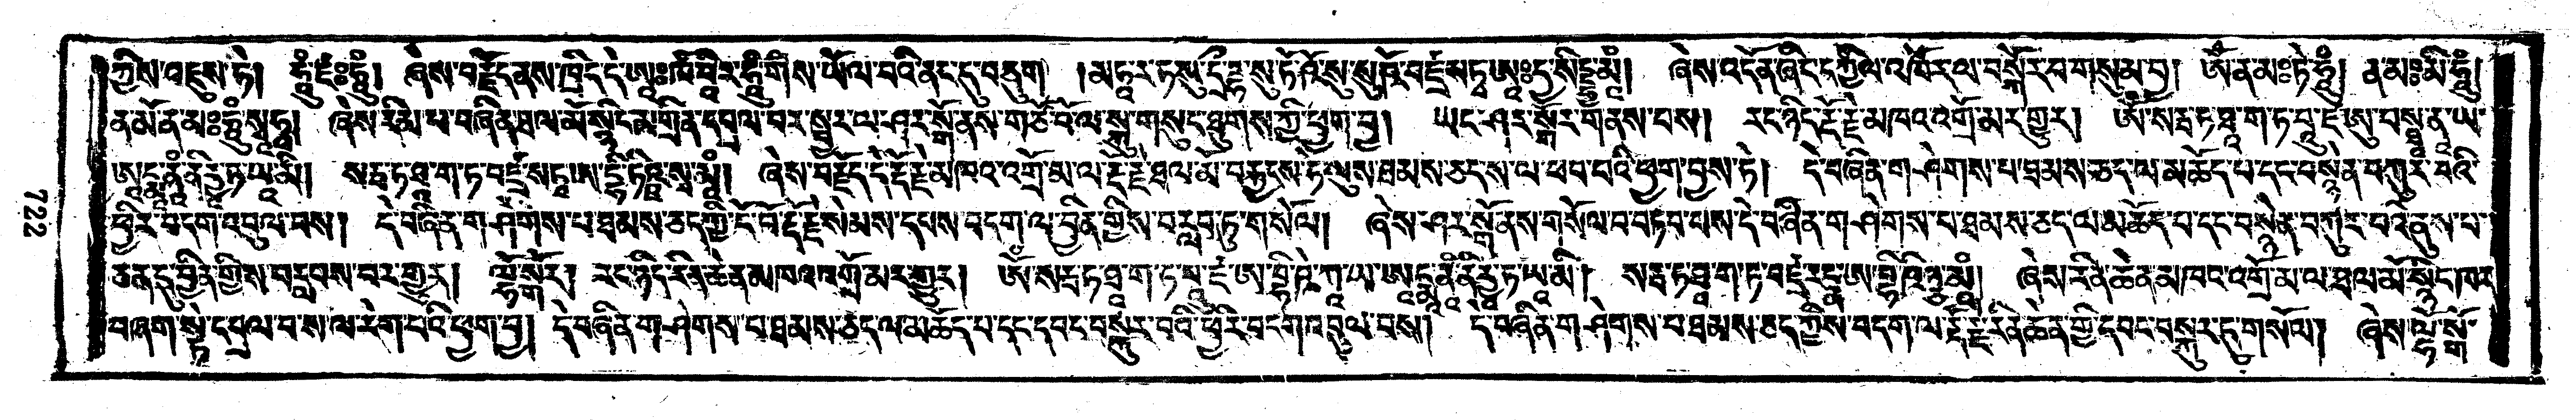ཀྱིས་འཇུས་ཏེ། ཧཱུཾ་ཛཿཧཱུཾ། ཞེས་བརྗོད་ནས་ཁྲིད་དེ་ཨཱཿཁཾ་བཱི་ར་ཧཱུཾ་གིས་ཡོལ་བའི་ནང་དུ་བཅུག །མཧཱ་ར་ཏ་སུ་དྲྀ་དྷ་སུ་ཏོ་ཥོ་སུ་སུ་ཥོ་བཛྲ་སཏྭ་ཨཱཿདྱ་སིདྡྷྱ་མཱཾ། ཞེས་འདོན་ཞིང་དཀྱིལ་འཁོར་ལ་བསྐོར་བ་གསུམ་བྱ། ཨོཾ་ན་མཿཏེ་ཧཱུཾ། ན་མཿམི་ཧཱུཾ།
ན་མོ་ན་མཿཧཱུཾ་སྭཱཧཱ། ཞེས་རིམ་པ་བཞིན་ཐལ་མོ་སྙིང་མགྲིན་དབྲལ་བར་སྦྱར་ལ་ཤར་སྒོ་ནས་གཙོ་བོ་ལ་སྐུ་གསུང་ཐུགས་ཀྱི་ཕྱག་བྱ། ཡང་ཤར་སྒོར་གནས་བས། རང་ཉིད་རྡོ་རྗེ་མཁའ་འགྲོ་མར་གྱུར། ཨོཾ་སརྦ་ཏ་ཐཱ་ག་ཏ་བཱུ་ཛ་ཨུ་བསྠཱ་ནཱ་ཡ་
ཨཱདམཱ་ནཱཾ་ནི་རྱཱ་ཏ་ཡཱ་མི། སརྦ་ཏ་ཐཱ་ག་ཏ་བཛྲ་སཏྭ་ཨ་དྷི་ཏིཥཊཿཨ་སྭ་མཱཾ། ཞེས་བརྗོད་དེ་རྡོ་རྗེ་མཁའ་འགྲོ་མ་ལ་རྡོ་རྗེ་ཐལ་མོ་བརྐྱངས་ཧེ་ལུས་ཐམས་ཅད་ས་ལ་ཕབ་པའི་ཕྱག་བྱས་ཏེ། དེ་བཞིན་གཤེགས་པ་ཐམས་ཅད་ལ་མཆོད་པ་དང་བསྙེན་བཀུར་བའི་
ཕྱིར་བདག་འབུལ་བས། དེ་བཞིན་གཤེགས་པ་ཐམས་ཅད་ཀྱི་ངོ་བོ་རྡོ་རྗེ་སེམས་དཔས་བདག་ལ་བྱིན་གྱིས་བརླབ་ཏུ་གསོལ། ཞེས་ཤར་སྒོ་ནས་གསོལ་བ་བཏབ་པས་དེ་བཞིན་གཤེགས་པ་ཐམས་ཅད་ལ་མཆོད་པ་དང་བསྙེན་བཀུར་བའི་ནུས་པ་
ཅན་དུ་བྱིན་གྱིས་བརླབས་པར་གྱུར། ལྷོ་སྒོར། རང་ཉིད་རིན་ཆེན་མཁའ་འགྲོ་མར་གྱུར། ཨོཾ་སརྦ་ཏ་ཐཱ་ག་ཏ་པཱུ་ཛ་ཨ་བྷི་ཥེ་ཀཱ་ཡ་ཨཱདམཱ་ནཱི་ནི་རྱཱ་ཏ་ཡཱ་མི། སརྦ་ཐ་ཐཱ་ག་ཏ་བཛྲ་རཔྣ་ཨ་བྷི་ཥིཉྩ་མཱཾ། ཞེས་རིན་ཆེན་མཁའ་འགྲོ་མ་ལ་ཐལ་མོ་སྙིང་ཁར་
བཞག་སྟེ་དབྲལ་བ་ས་ལ་རེག་པའི་ཕྱག་བྱ། དེ་བཞིན་གཤེགས་པ་ཐམས་ཅད་ལ་མཆོད་པ་དང་དབང་བསྐུར་བའི་ཕྱིར་བདག་འབུལ་བས། དེ་བཞིན་གཤེགས་བ་ཐམས་ཅད་ཀྱིས་བདག་ལ་རྡོ་རྗེ་རིན་ཆེན་གྱི་དབང་བསྐུར་དུ་གསོལ། ཞེས་ལྷོ་སྒོ་